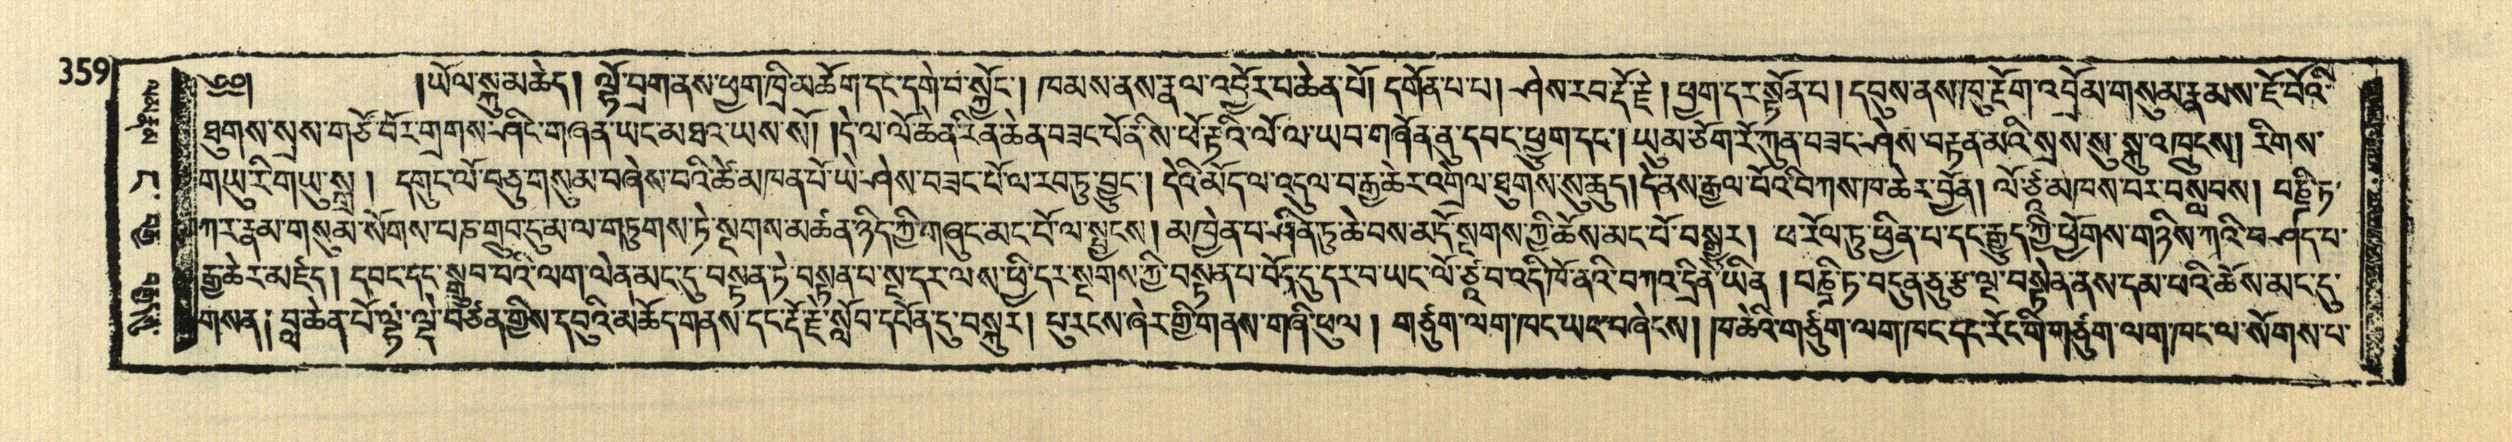༄༅། །ཡོལ་སྐུ་མཆེད། ལྷོ་བྲག་ནས་ཕྱག་ཁྲི་མཆོག་དང་དགེ་བ་སྐྱོང་། ཁམས་ནས་རྣལ་འབྱོར་པ་ཆེན་པོ། དགོན་པ་པ། ཤེས་རབ་རྡོ་རྗེ། ཕྱག་དར་སྟོན་པ། དབུས་ནས་ཁུ་རྡོག་འབྲོམ་གསུམ་རྣམས་ཇོ་བོའི་
ཐུགས་སྲས་གཙོ་བོར་གྲགས་ཤིང་གཞན་ཡང་མཐའ་ཡས་སོ། །དེ་ལ་ལོ་ཆེན་རིན་ཆེན་བཟང་པོ་ནི་ས་ཕོ་རྟའི་ལོ་ལ་ཡབ་གཞོན་ནུ་དབང་ཕྱུག་དང་། ཡུམ་ཅོག་རོ་ཀུན་བཟང་ཤེས་བརྟན་མའི་སྲས་སུ་སྐུ་འཁྲུངས། རིགས་
གཡུ་རི་གཡུ་སྒྲ། དགུང་ལོ་བཅུ་གསུམ་བཞེས་བའི་ཚེ་མཁན་པོ་ཡེ་ཤེས་བཟང་པོ་ལ་རབ་ཏུ་བྱུང་། དེའི་མོད་ལ་འདུལ་བ་རྒྱ་ཆེར་འགྲེལ་ཐུགས་སུ་ཆུད། དེ་ནས་རྒྱལ་པོའི་བཀས་ཁ་ཆེར་བྱོན། ལོ་ཙཱ་མཁས་བར་བསླབས། པཎྜི་ཏ་
ཀ་ར་རྣམ་གསུམ་སོགས་པཎ་གྲུབ་དུ་མ་ལ་གཏུགས་ཏེ་སྔགས་མཚན་ཉིད་ཀྱི་གཞུང་མང་པོ་ལ་སྤྱངས། མཁྱེན་པ་ཤིན་ཏུ་ཆེ་བས་མདོ་སྔགས་ཀྱི་ཆོས་མང་པོ་བསྒྱུར། ཕ་རོལ་ཏུ་ཕྱིན་པ་དང་རྒྱུད་ཀྱི་ཕྱོགས་གཉིས་ཀའི་བཤད་པ་
རྒྱ་ཆེར་མཛད། དབང་དང་སྒྲུབ་པའི་ལག་ལེན་མང་དུ་བསྟན་ཏེ་བསྟན་པ་སྔ་དར་ལས་ཕྱི་དར་སྔགས་ཀྱི་བསྟན་པ་བོད་དུ་དར་བ་ཡང་ལོ་ཙཱ་བ་འདི་ཁོ་ནའི་བཀའ་དྲིན་ཡིན། པཎྜི་ཏ་བདུན་ཅུ་རྩ་ལྔ་བསྟེན་ནས་དམ་པའི་ཆོས་མང་དུ་
གསན༑ བླ་ཆེན་པོ་ལྷ་ལྡེ་བཙན་གྱིས་དབུའི་མཆོད་གནས་དང་རྡོ་རྗེ་སློབ་དཔོན་དུ་བསྐུར། པུ་རངས་ཞེར་གྱི་གནས་གཞི་ཕུལ། གཙུག་ལག་ཁང་ཡང་བཞེངས། ཁ་ཆེའི་གཙུག་ལག་ཁང་དང་རོང་གི་གཙུག་ལག་ཁང་ལ་སོགས་པ་